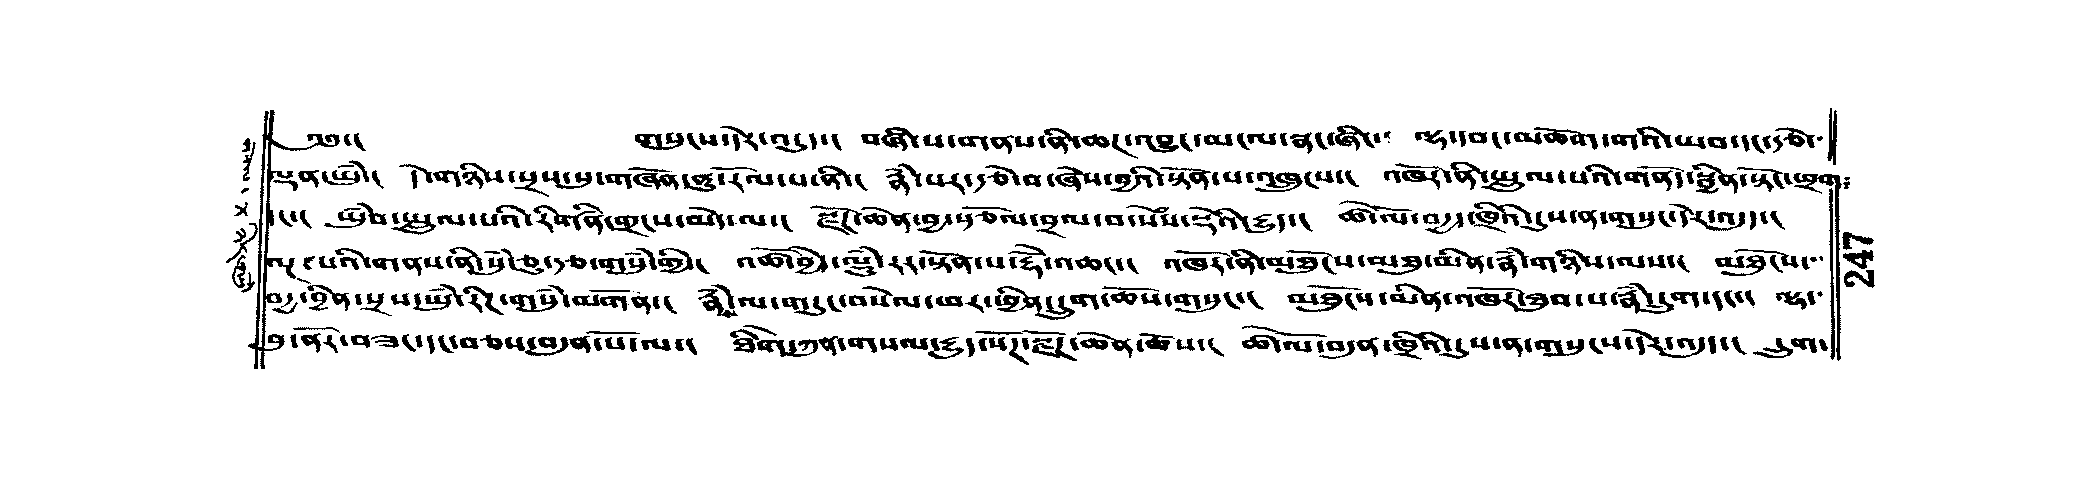གསུངས་དེར་འདུད། །བཞི་པ་གནས་ནི་ཆགས་འབྱུང་མངལ་སྣང་ཞིང་། །ལྷ་དབང་མཆོག་གི་ཡབ་དང་རྩེ་
ལྡན་ཡུམ། །དེ་གཉིས་སྲས་སུ་གཞོན་ནུ་རོལ་པ་ནི། །རྣམ་པར་བརྩེ་བ་ཞེས་བྱའི་སྟོན་པ་འཁྲུངས། །འཁོར་ནི་སྤྲུལ་པའི་གནོད་སྦྱིན་སྟོང་ཕྲག་
དང་། །ཡབ་ཡུམ་སྤྲུལ་པའི་རིག་འཛིན་གྲངས་མེད་ལ། །རྫོགས་ཆེན་བྱ་སྩོལ་བྲལ་བ་སེམས་སྡེའི་རྒྱུད། །ཚེ་ལོ་བརྒྱད་ཁྲིའི་དུས་ན་གསུང་དེར་འདུད། །
ལྔ་པའི་གནས་ནི་སུམ་ཅུ་རྩ་གསུམ་གྱི། །འཚོ་བྱེད་ལྡུམ་རར་སྟོན་པ་རྡོ་རྗེ་འཆང་། །འཁོར་ནི་ཐུན་མོངས་ཐུན་མིན་རྣམ་གཉིས་ལས། །ཐུན་མོང་
བརྒྱ་བྱིན་སྲས་ཡུམ་རིགས་གསུམ་མགོན། །རྣམས་ལ་གདུང་སེལ་ཕར་ཕྱིན་དྲུག་ཆོས་གསུང་། མཐུན་མོང་མིན་འཁོར་ཐུབ་པ་རྣམ་དྲུག་དང་། །ལྷ་
བུ་ནོར་བཟང་དང་བཅས་བདུན་པོ་ལ། །ཐིག་ལེ་ཀུན་གསལ་རྒྱུད་སོགས་རྫོགས་ཆེན་ཆོས། །ཚེ་ལོ་བདུན་ཁྲིའི་དུས་ན་གསུངས་དེར་འདུད། །དྲུག་